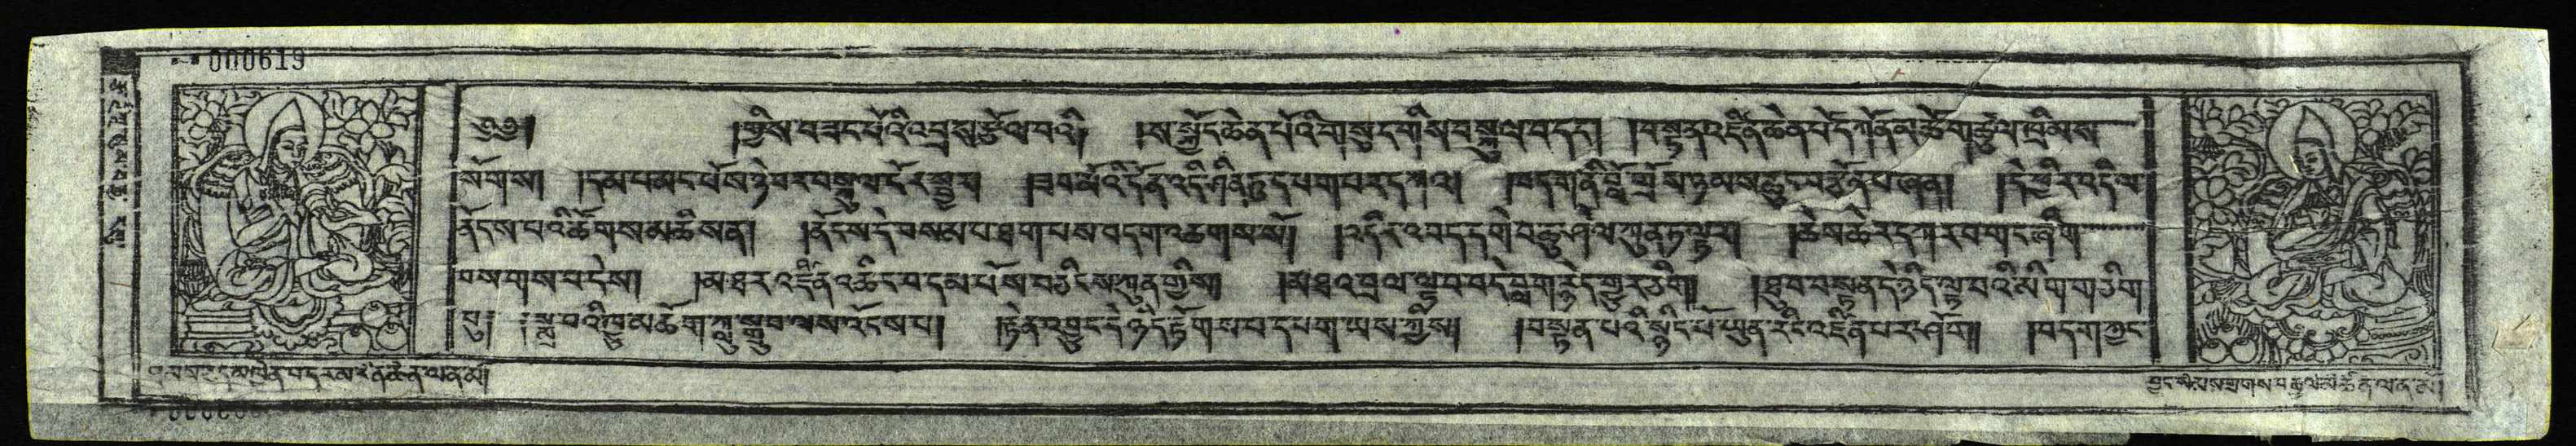༄༅། །གྱིས་བཟང་པོའི་འབྲས་རྩོལ་བའི། །ས་སྐྱོང་ཆེན་པོའི་གསུང་གིས་བསྐུལ་བ་དང་། །བསྟན་འཛིན་ཆེན་པོ་དཀོན་མཆོག་ཚུལ་ཁྲིམས་
སོགས། །དམ་པ་མང་པོས་ཉེ་བར་བསྐུལ་ངོར་སྦྱར། །ཟབ་མོའི་དོན་འདི་ཤིན་ཏུ་དཔག་པར་དཀའ། །བདག་ནི་བློ་གྲོས་ཉམས་ཆུང་བརྩོན་པ་ཞན། །དེ་ཕྱིར་འདི་ལ་
ནོངས་པའི་ཚོགས་མཆིས་ན། །ནོངས་དེ་བསམ་པ་ཐག་པས་བདག་འཆགས་སོ། །འདིར་འབད་དགེ་བ་ཆུ་ཤེལ་ཀུན་ཏ་ལྟར། །ཆེས་ཆེར་དཀར་བ་གང་ཞིག་
བསགས་པ་དེས། །མཐར་འཛིན་འཆིང་བ་དམ་པོས་བཅིངས་ཀུན་གྱིས། །མཐའ་བྲལ་ལྟ་བ་བདེ་བླག་རྙེད་གྱུར་ཅིག། །ཐུབ་བསྟན་དེ་ཉིད་ལྟ་བའི་མིག་གཅིག་
པུ༑ ༑སྨྲ་བའི་ཁྱུ་མཆོག་ཀླུ་སྒྲུབ་ལས་འོངས་པ། །རྟེན་འབྱུང་དེ་ཉིད་རྟོགས་པ་དཔག་ཡས་ཀྱིས། །བསྟན་པའི་སྙིང་པོ་ཡུན་རིང་འཛིན་པར་ཤོག། །བདག་ཀྱང་